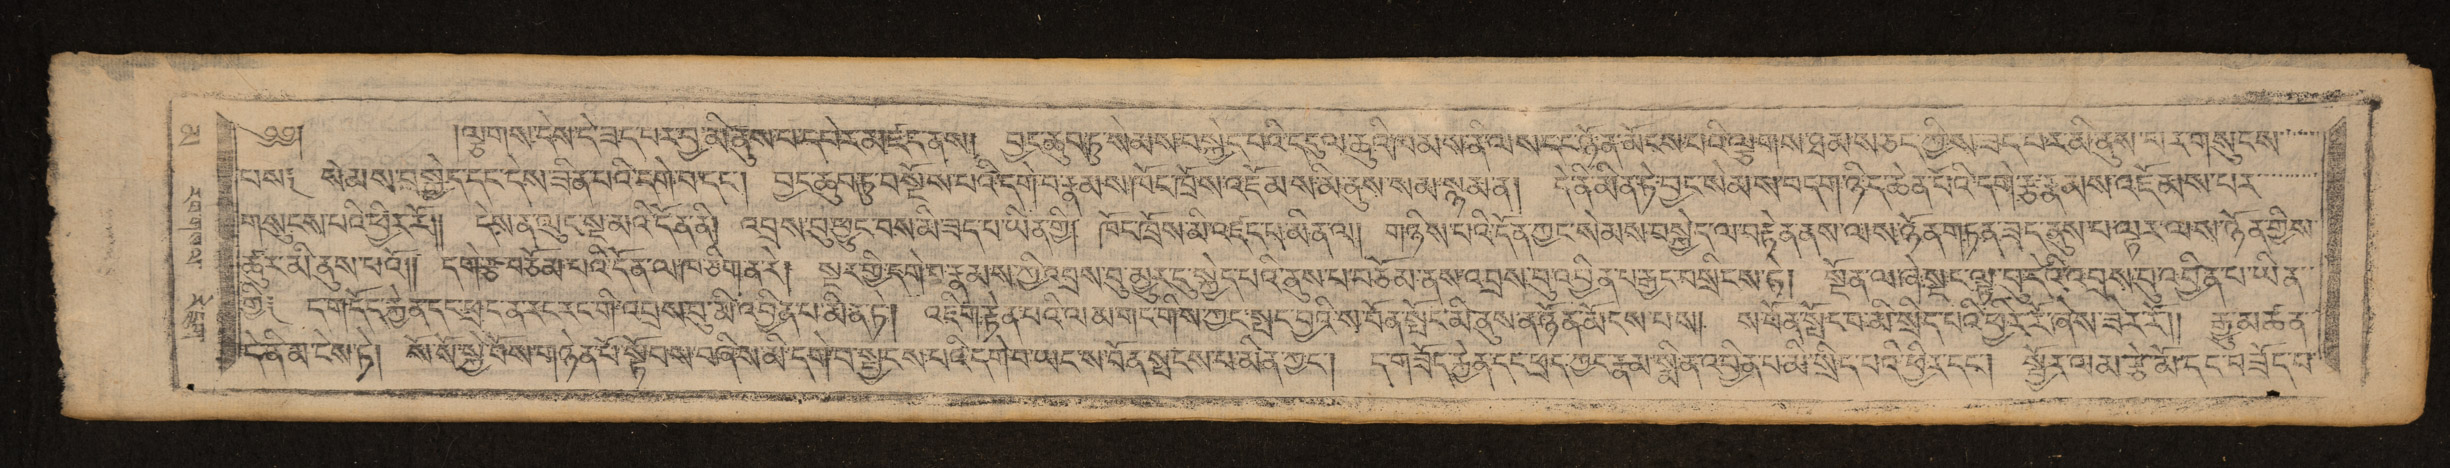༄༅། །ལྕགས་དེས་དེ་ཟད་པར་བྱ་མི་ནུས་པ་དཔེར་མཛད་ནས། བྱང་ཆུབ་ཏུ་སེམས་བསྐྱེད་པའི་དངུལ་ཆུའི་ཁམས་ནི་ལས་དང་ཉོན་མོངས་པའི་ལྕགས་ཐམས་ཅད་ཀྱིས་ཟད་པར་མི་ནུས་པར་གསུངས་
པས། སེམས་བསྐྱེད་དང་དེས་ཟིན་པའི་དགེ་བ་དང་། བྱང་ཆུབ་ཏུ་བསྔོས་པའི་དགེ་བ་རྣམས་ཁོང་ཁྲོས་འཇོམས་མི་ནུས་སམ་སྙམ་ན། དེ་ནི་མིན་ཏེ་བྱང་སེམས་བདག་ཉིད་ཆེན་པོའི་དགེ་རྩ་རྣམས་འཇོམས་པར་
གསུངས་པའི་ཕྱིར་རོ།། དེས་ན་ལུང་སྔ་མའི་དོན་ནི། འབྲས་བུ་ཕྱུང་བས་མི་ཟད་པ་ཡིན་གྱི། ཁོང་ཁྲོས་མི་འཛད་པ་མིན་ལ། གཉིས་པའི་དོན་ཀྱང་སེམས་བསྐྱེད་ལ་བརྟེན་ནས་ལས་ཉོན་གཏན་ཟད་ནུས་པ་ལྟར་ལས་ཉོན་གྱིས་
ཚུར་མི་ནུས་པའོ།། དགེ་རྩ་བཅོམ་པའི་དོན་ལ་ཁ་ཅིག་ན་རེ། སྔར་གྱི་དགེ་བ་རྣམས་ཀྱི་འབྲས་བུ་མྱུར་དུ་སྐྱེད་པའི་ནུས་པ་བཅོམ་ནས་འབྲས་བུ་འབྱིན་པ་རྒྱང་བསྲིངས་ཏེ། སྔོན་ལ་ཞེ་སྡང་ལྟ་བུ་དེའི་འབྲས་བུ་འབྱིན་པ་ཡིན་
གྱི༑ ད་གདོད་རྐྱེན་དང་ཕྲད་ན་རང་རང་གི་འབྲས་བུ་མི་འབྱིན་པ་མིན་ཏེ། འཇིག་རྟེན་པའི་ལམ་གང་གིས་ཀྱང་སྤང་བྱའི་ས་བོན་སྤོང་མི་ནུས་ན་ཉོན་མོངས་པས། ས་བོན་སྤོང་བ་མི་སྲིད་པའི་ཕྱིར་རོ་ཞེས་ཟེར་རོ།། རྒྱུ་མཚན་
དེ་ནི་མ་ངེས་ཏེ། སོ་སོ་སྐྱེ་བོས་གཉེན་པོ་སྟོབས་བཞིས་མི་དགེ་བ་སྦྱངས་པའི་དགེ་བ་ཡང་ས་བོན་སྤངས་པ་མིན་ཀྱང་། ད་གཟོད་རྐྱེན་དང་ཕྲད་ཀྱང་རྣམ་སྨིན་འབྱིན་པ་མི་སྲིད་པའི་ཕྱིར་དང་། སྦྱོར་ལམ་རྩེ་མོ་དང་བཟོད་པ་